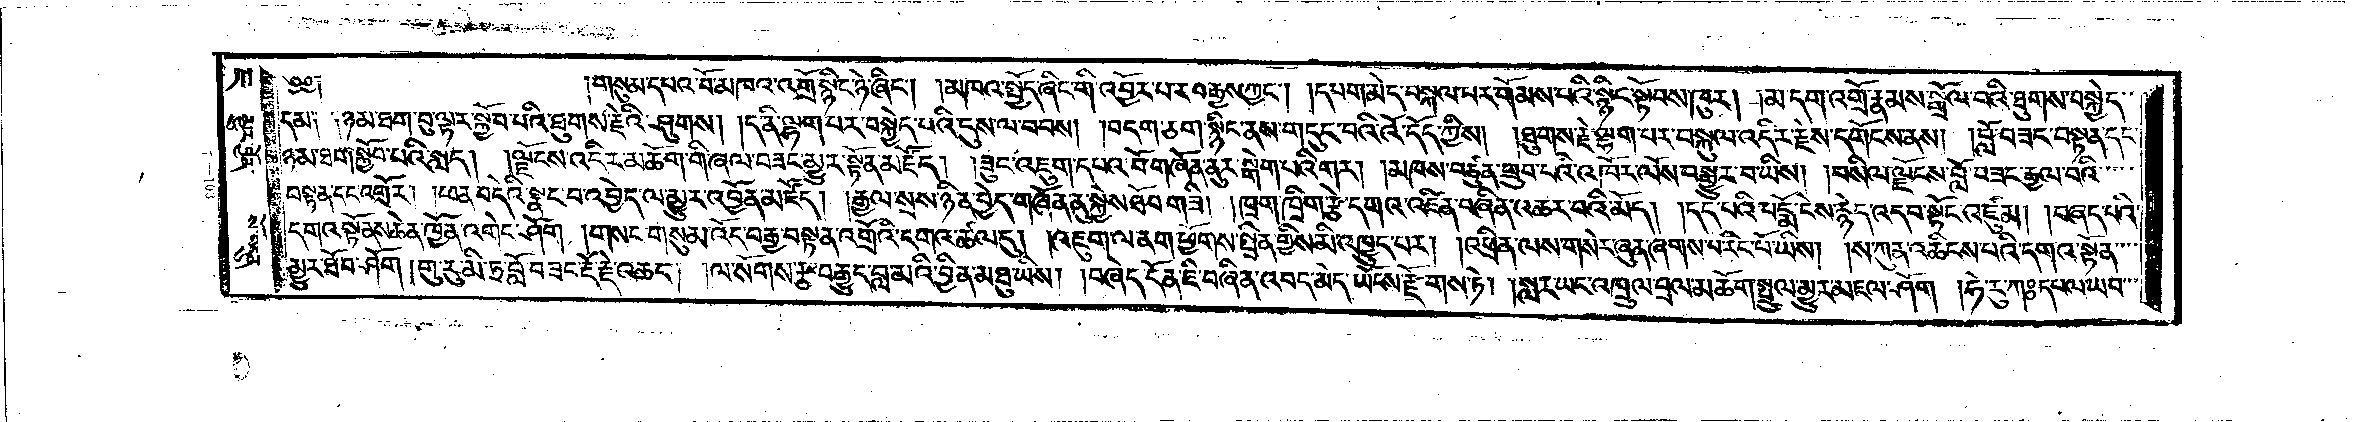༄༅། །གསུམ་དཔའ་བོ་མཁའ་འགྲོ་སྙིང་ཉེ་ཞིང་། །མཁའ་སྤྱོད་ཞིང་གི་འབྱོར་པ་རབ་རྒྱས་ཀྱང་། །དཔག་མེད་བསྐལ་པར་གོམས་པའི་སྙིང་སྟོབས་ཁུར། །མ་དག་འགྲོ་རྣམས་སྒྲོལ་བའི་ཐུགས་བསྐྱོད་
དམ༑ ༑ཉམ་ཐག་བུ་ལྟར་སྐྱོབ་པའི་ཐུགས་རྗེའི་ཤུགས། །ད་ནི་ལྷག་པར་བསྐྱེད་པའི་དུས་ལ་བབས། །བདག་ཅག་སྙིང་ནས་གདུང་བའི་འོ་དོད་ཀྱིས། །ཐུགས་རྗེ་ལྷག་པར་བསྐུལ་འདིར་རྗེས་དགོངས་ནས། །བློ་བཟང་བསྟན་དང་
ཉམ་ཐག་སྐྱོབ་པའི་སླད། །ལྗོངས་འདིར་མཆོག་གི་ཞལ་བཟང་མྱུར་སྟོན་མཛོད། །ཟུང་འཇུག་དཔའ་བོ་གཞོན་ནུར་སྒེག་པའི་གར། །མཁས་བཙུན་གྲུབ་པའི་འཁོར་ལོས་བསྒྱུར་བ་ཡིས། །བསིལ་ལྗོངས་བློ་བཟང་རྒྱལ་བའི་
བསྟན་དང་འགྲོར། །ཕན་བདེའི་སྣང་བ་འབྱེད་ལ་མྱུར་འབྱོན་མཛོད། །རྒྱལ་སྲས་ཉིན་བྱེད་གཞོན་ནུ་སྐྱེས་ཐོབ་གཟི། །ཁྲག་ཁྲིག་རྩེ་དགའ་འཛིན་བཞིན་འཆར་བའི་མོད། །དད་པའི་པདམོ་ངེས་རྙེད་འདབ་སྟོང་འཛུམ། །བཞད་པའི་
དགའ་སྟོན་ས་ཆེན་ཁྱོན་འགེང་ཤོག །གསང་གསུམ་འོད་བརྒྱ་བསྟན་འགྲོའི་དགའ་ཚལ་དུ། །འཇུག་ལ་ནག་ཕྱོགས་སྤྲིན་གྱིས་མི་འཁྱུད་པར། །འཕྲིན་ལས་གསེར་ཞུན་ཞགས་པ་རིང་པོ་ཡིས། །ས་ཀུན་འཆིབས་པའི་དགའ་སྟོན་
མྱུར་ཐོབ་ཤོག །གུ་རུ་མི་ཏྲ་བློ་བཟང་རྡོ་རྗེ་འཆང་། །ལ་སོགས་རྩ་བརྒྱུད་བླ་མའི་བྱིན་མཐུ་ཡིས། །བཞེད་དོན་ཇི་བཞིན་འབད་མེད་ཡོངས་རྫོགས་ཏེ། །སླར་ཡང་འཁྲུལ་བྲལ་མཆོག་སྤྲུལ་མྱུར་མཇལ་ཤོག །ཧེ་རུ་ཀཿདཔལ་ཡབ་